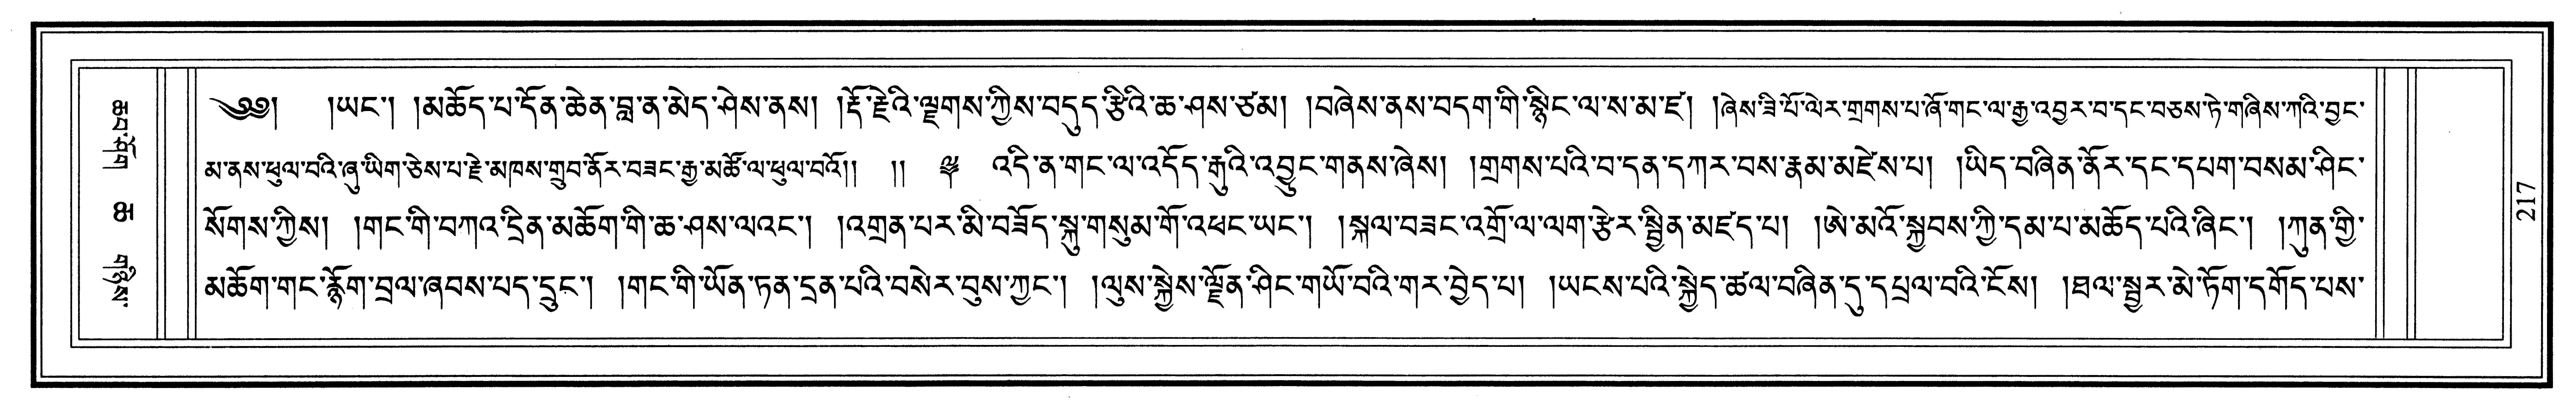༄༅། །ཡང་། །མཆོད་པ་དོན་ཆེན་བླ་ན་མེད་ཤེས་ནས། །རྡོ་རྗེའི་ལྗགས་ཀྱིས་བདུད་རྩིའི་ཆ་ཤས་ཙམ། །བཞེས་ནས་བདག་གི་སྙིང་ལ་ས་མ་ཛ། །ཞེས་ཟི་པོ་ལེར་གྲགས་པ་ཞོ་གང་ལ་རྒྱ་འབྱར་བ་དང་བཅས་ཏེ་གཞིས་ཀའི་བྱང་
མ་ནས་ཕུལ་བའི་ཞུ་ཡིག་ཅེས་པ་རྗེ་མཁས་གྲུབ་ནོར་བཟང་རྒྱ་མཚོ་ལ་ཕུལ་བའོ།། །། ༈ འདི་ན་གང་ལ་འདོད་རྒུའི་འབྱུང་གནས་ཞེས། །གྲགས་པའི་བ་དན་དཀར་བས་རྣམ་མཛེས་པ། །ཡིད་བཞིན་ནོར་དང་དཔག་བསམ་ཤིང་
སོགས་ཀྱིས། །གང་གི་བཀའ་དྲིན་མཆོག་གི་ཆ་ཤས་ལའང་། །འགྲན་པར་མི་བཟོད་སྐུ་གསུམ་གོ་འཕང་ཡང་། །སྐལ་བཟང་འགྲོ་ལ་ལག་རྩེར་སྦྱིན་མཛད་པ། །ཨེ་མའོ་སྐྱབས་ཀྱི་དམ་པ་མཆོད་པའི་ཞིང་། །ཀུན་གྱི་
མཆོག་གང་རྙོག་བྲལ་ཞབས་པད་དྲུང་། །གང་གི་ཡོན་ཏན་དྲན་པའི་བསེར་བུས་ཀྱང་། །ལུས་སྐྱེས་ལྗོན་ཤིང་གཡོ་བའི་གར་བྱེད་པ། །ཡངས་པའི་སྐྱེད་ཚལ་བཞིན་དུ་དཔྲལ་བའི་ངོས། །ཐལ་སྦྱར་མེ་ཏོག་དགོད་པས་